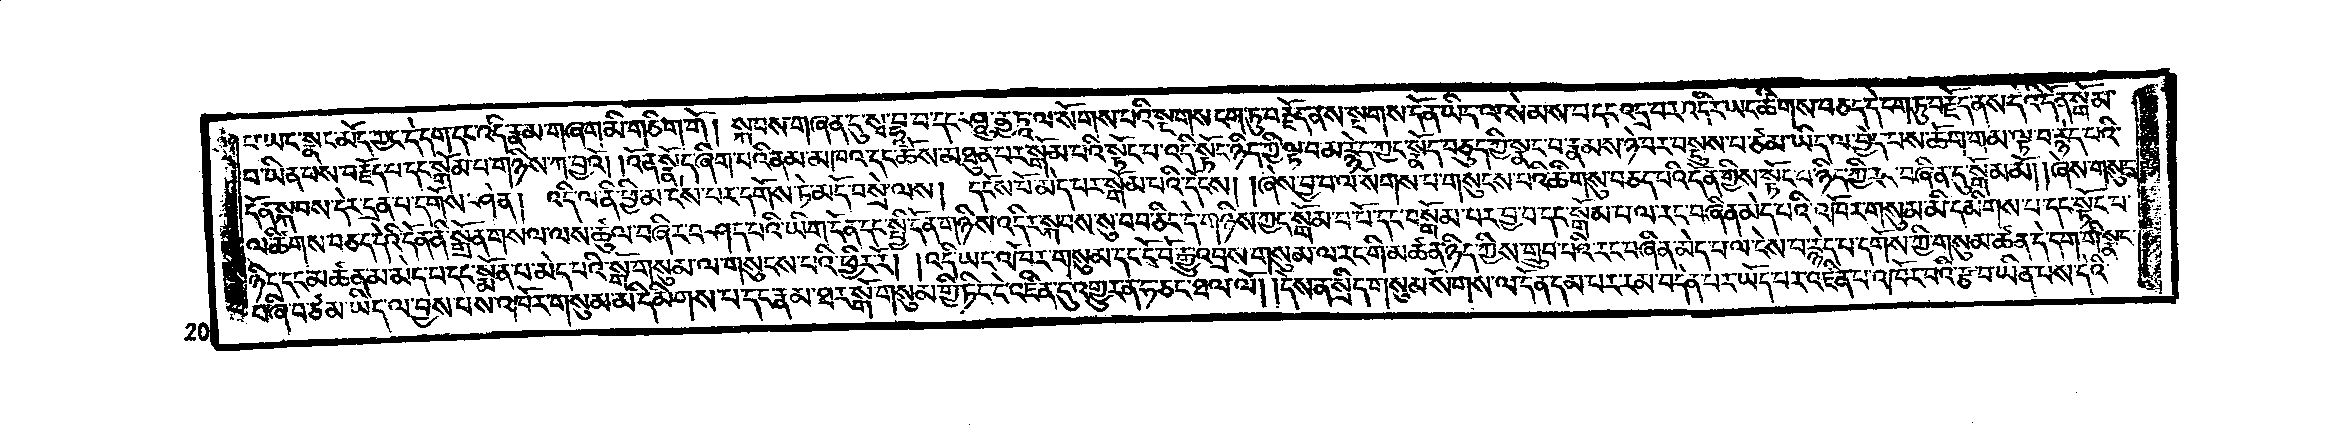པ་ཡང་སྣང་མོད་ཀྱང་དེ་དག་དང་འདི་རྣམ་གཞག་མི་གཅིག་གོ །སྐབས་གཞན་དུ་སྭ་བྷཱ་བ་དང་ཤཱུ་ནྱ་ཏཱ་ལ་སོགས་པའི་སྔགས་ངག་ཏུ་བརྗོད་ནས་སྔགས་དོན་ཡིད་ལ་སེམས་པ་དང་འདྲ་བར་འདིར་ཡང་ཚིགས་བཅད་དེ་དག་ཏུ་བརྗོད་ནས་དེའི་དོན་སྒོམ་
པ་ཡིན་པས་བརྗོད་པ་དང་སྒོམ་པ་གཉིས་ཀ་བྱའོ། །འོ་ན་སྣོད་ཞིག་པའི་ནམ་མཁའ་དང་ཆོས་མཐུན་པར་སྒོམ་པའི་སྟོང་པ་འདི་སྟོང་ཉིད་ཀྱི་ལྟ་བ་མ་རྙེད་ཀྱང་སྣོད་བཅུད་ཀྱི་སྣང་བ་རྣམས་ཉེ་བར་བསྡུས་པ་ཙམ་ཡིད་ལ་བྱེད་པས་ཆོག་གམ་ལྟ་བ་རྙེད་པའི་
དོན་སྐབས་དེར་དྲན་པ་དགོས་ཤེ་ན། འདི་ལ་ནི་ཕྱི་མ་ངེས་པར་དགོས་ཏེ་མདོ་བསྲེ་ལས། དངོས་པོ་མེད་པར་སྒོམ་པའི་དངོས། །ཞེས་བྱ་བ་ལ་སོགས་པ་གསུངས་པའི་ཚིགས་སུ་བཅད་པའི་དོན་གྱིས་སྟོང་པ་ཉིད་ཀྱི་རང་བཞིན་དུ་སྒོམ་མོ། །ཞེས་གསུངས་
ལ་ཚིགས་བཅད་དེའི་དོན་ནི་སྒྲོན་གསལ་ལས་ཚུལ་བཞིར་བཤད་པའི་ཡིག་དོན་དང་སྤྱི་དོན་གཉིས་འདིར་སྐབས་སུ་བབ་ཅིང་དེ་གཉིས་ཀྱང་སྒོམ་པ་པོ་དང་བསྒོམ་པར་བྱ་བ་དང་སྒོམ་པ་ལ་རང་བཞིན་མེད་པའི་འཁོར་གསུམ་མི་དམིགས་པ་དང་སྟོང་པ་
ཉིད་དང་མཚན་མ་མེད་པ་དང་སྨོན་པ་མེད་པའི་སྒོ་གསུམ་ལ་གསུངས་པའི་ཕྱིར་རོ། །འདི་ཡང་འཁོར་གསུམ་དང་ངོ་བོ་རྒྱུ་འབྲས་གསུམ་ལ་རང་གི་མཚན་ཉིད་ཀྱིས་གྲུབ་པའི་རང་བཞིན་མེད་པ་ལ་ངེས་པ་རྙེད་པ་དགོས་ཀྱི་གསུམ་ཚན་དེ་དག་གི་སྣང་
བ་ཞི་བ་ཙམ་ཡིས་ལ་བྱས་པས་འཁོར་གསུམ་མི་དམིགས་པ་དང་རྣམ་ཐར་སྒོ་གསུམ་གྱི་ཏིང་ངེ་འཛིན་དུ་འགྱུར་ན་ཧ་ཅང་ཐལ་ལོ། །དེས་ན་སྲིད་གསུམ་སོགས་ལ་དོན་དམ་པར་རམ་བདེན་པར་ཡོད་པར་འཛིན་པ་འཁོར་བའི་རྩ་བ་ཡིན་པས་དེའི་